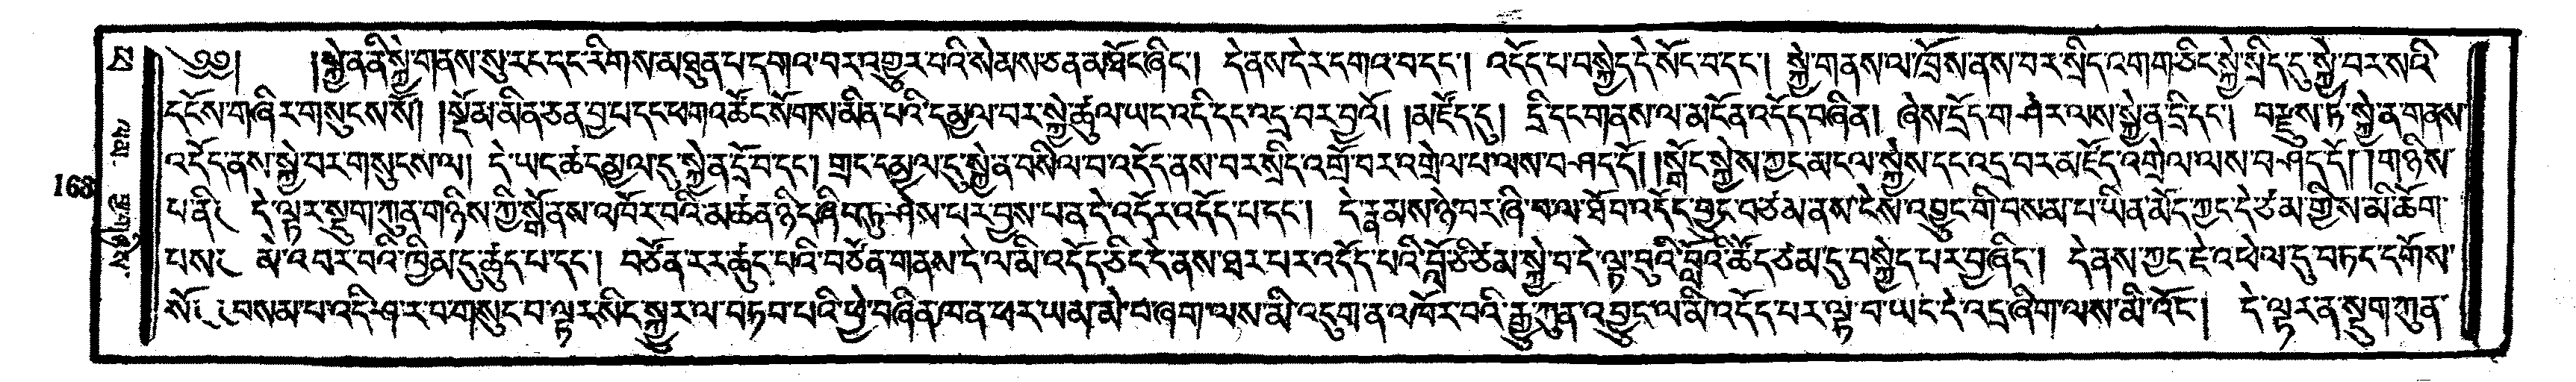༄༅། །སྐྱེ་ན་ནི་སྐྱེ་གནས་སུ་རང་དང་རིགས་མཐུན་པ་དགའ་བར་འགྱུར་བའི་སེམས་ཅན་མཐོང་ཞིང་། དེ་ནས་དེར་དགའ་བ་དང་། འདོད་པ་བསྐྱེད་དེ་སོང་བ་དང་། སྐྱེ་གནས་ལ་ཁྲོས་ནས་བར་སྲིད་འགག་ཅིང་སྐྱེ་སྲིད་དུ་སྐྱེ་བར་སའི་
དངོས་གཞིར་གསུངས་སོ། །སྡོམ་མིན་ཅན་བྱ་པ་དང་ཕག་འཚོང་སོགས་མིན་པའི་དམྱལ་བར་སྐྱེ་ཚུལ་ཡང་འདི་དང་འདྲ་བར་བྱའོ། །མཛོད་དུ། དྲི་དང་གནས་ལ་མངོན་འདོད་བཞིན། ཞེས་དྲོད་གཤེར་ལས་སྐྱེ་ན་དྲི་དང་། བརྫུས་ཏེ་སྐྱེ་ན་གནས་
འདོད་ནས་སྐྱེ་བར་གསུངས་ལ། དེ་ཡང་ཚ་དམྱལ་དུ་སྐྱེ་ན་དྲོ་བ་དང་། གྲང་དམྱལ་དུ་སྐྱེ་ན་བསིལ་བ་འདོད་ནས་བར་སྲིད་འགྲོ་བར་འགྲེལ་པ་ལས་བཤད་དོ། །སྒོང་སྐྱེས་ཀྱང་མངལ་སྐྱེས་དང་འདྲ་བར་མཛོད་འགྲེལ་ལས་བཤད་དོ། །གཉིས་
པ་ནི༑ དེ་ལྟར་སྡུག་ཀུན་གཉིས་ཀྱི་སྒོ་ནས་འཁོར་བའི་མཚན་ཉིད་ཞི་བ་ཏུ་ཤེས་པར་བྱས་པ་ན་དེ་འདོར་འདོད་པ་དང་། དེ་རྣམས་ཉེ་བར་ཞི་པ་ལ་ཐོབ་འདོད་བྱང་བ་ཙམ་ནས་ངེས་འབྱུང་གི་བསམ་པ་ཡིན་མོད་ཀྱང་དེ་ཙམ་གྱིས་མི་ཆོག་
པས༑ མེ་འབར་བའི་ཁྱིམ་དུ་ཚུད་པ་དང་། བཙོན་རར་ཚུད་བའི་བཙོན་གནས་དེ་ལ་མི་འདོད་ཅིང་དེ་ནས་ཐར་པར་འདོད་པའི་བློ་ཅི་ཙམ་སྐྱེ་བ་དེ་ལྟ་བུའི་བློའི་ཚོད་ཙམ་དུ་བསྐྱེད་པར་བྱ་ཞིང་། དེ་ནས་ཀྱང་ཇེ་འཕེལ་དུ་བཏང་དགོས་
སོ༑ ༑བསམ་པ་འདི་ཤ་ར་བ་གསུང་བ་ལྟར་སིང་སྐྱུར་ལ་བཏབ་པའི་ཕྱེ་བཞིན་ཁ་ན་ཕར་ཡམ་མེ་བ་ཞག་ལས་མི་འདུག་ན་འཁོར་བའི་རྒྱུ་ཀུན་འབྱུང་ལ་མི་འདོད་པར་ལྟ་བ་ཡང་དེ་འདྲ་ཞིག་ལས་མི་འོང་། དེ་ལྟར་ན་སྡུག་ཀུན་